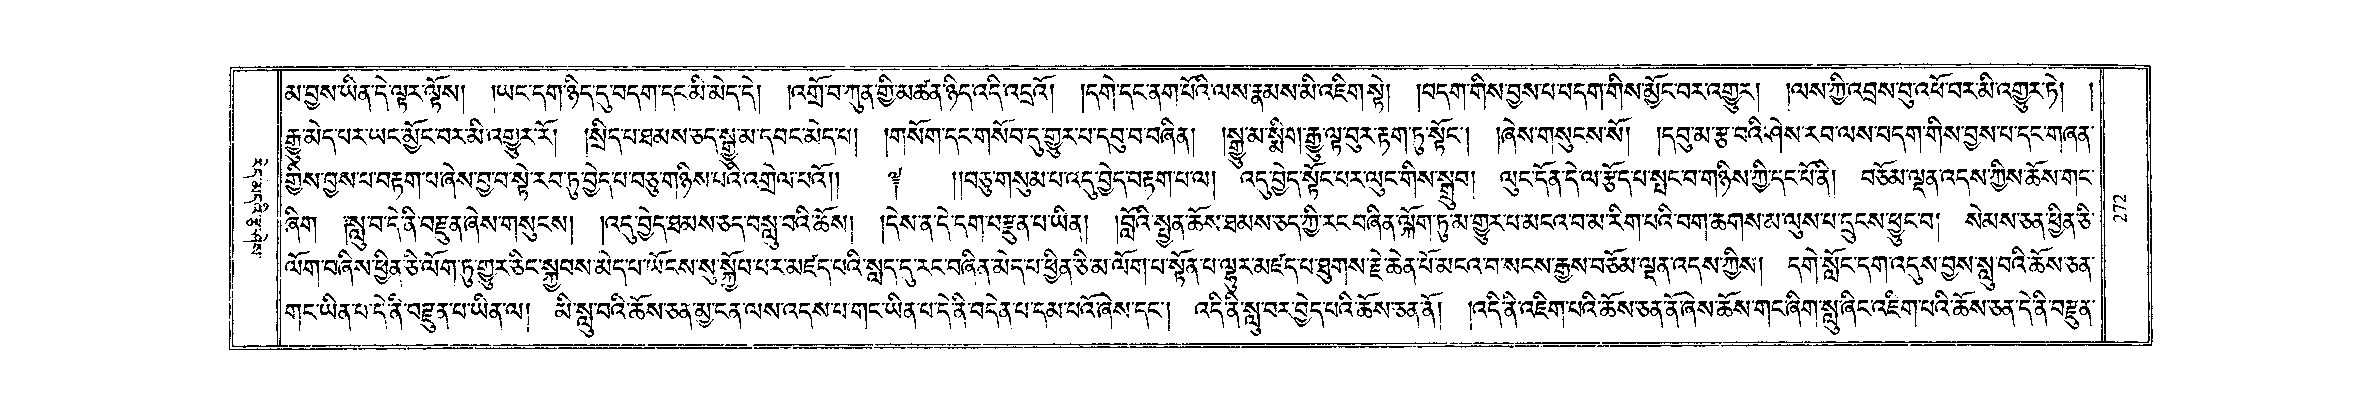མ་བྱས་ཡིན་དེ་ལྟར་ལྟོས། །ཡང་དག་ཉིད་དུ་བདག་དང་མི་མེད་དེ། །འགྲོ་བ་ཀུན་གྱི་མཚན་ཉིད་འདི་འདྲའོ། །དགེ་དང་ནག་པོའི་ལས་རྣམས་མི་འཇིག་སྟེ། །བདག་གིས་བྱས་པ་བདག་གིས་མྱོང་བར་འགྱུར། །ལས་ཀྱི་འབྲས་བུ་འཕོ་བར་མི་འགྱུར་ཏེ། །
རྒྱུ་མེད་པར་ཡང་མྱོང་བར་མི་འགྱུར་རོ། །སྲིད་པ་ཐམས་ཅད་སྒྱུ་མ་དབང་མེད་པ། །གསོག་དང་གསོབ་དུ་གྱུར་པ་དབུ་བ་བཞིན། །སྒྱུ་མ་སྨིག་རྒྱུ་ལྟ་བུར་རྟག་ཏུ་སྟོང་། །ཞེས་གསུངས་སོ། །དབུ་མ་རྩ་བའི་ཤེས་རབ་ལས་བདག་གིས་བྱས་པ་དང་གཞན་
གྱིས་བྱས་པ་བརྟག་པ་ཞེས་བྱ་བ་སྟེ་རབ་ཏུ་བྱེད་པ་བཅུ་གཉིས་པའི་འགྲེལ་པའོ།། ༈ །།བཅུ་གསུམ་པ་འདུ་བྱེད་བརྟག་པ་ལ། འདུ་བྱེད་སྟོང་པར་ལུང་གིས་སྒྲུབ། ལུང་དོན་དེ་ལ་རྩོད་པ་སྤང་བ་གཉིས་ཀྱི་དང་པོ་ནི། བཅོམ་ལྡན་འདས་ཀྱིས་ཆོས་གང་
ཞིག ༑སླུ་བ་དེ་ནི་བརྫུན་ཞེས་གསུངས། །འདུ་བྱེད་ཐམས་ཅད་བསླུ་བའི་ཆོས། །དེས་ན་དེ་དག་བརྫུན་པ་ཡིན། །བློའི་སྤྱན་ཆོས་ཐམས་ཅད་ཀྱི་རང་བཞིན་ལྐོག་ཏུ་མ་གྱུར་པ་མངའ་བ་མ་རིག་པའི་བག་ཆགས་མ་ལུས་པ་དྲུངས་ཕྱུང་བ། སེམས་ཅན་ཕྱིན་ཅི་
ལོག་བཞིས་ཕྱིན་ཅི་ལོག་ཏུ་གྱུར་ཅིང་སྐྱབས་མེད་པ་ཡོངས་སུ་སྐྱོབ་པར་མཛད་པའི་སླད་དུ་རང་བཞིན་མེད་པ་ཕྱིན་ཅི་མ་ལོག་པ་སྟོན་པ་ལྷུར་མཛད་པ་ཐུགས་རྗེ་ཆེན་པོ་མངའ་བ་སངས་རྒྱས་བཅོམ་ལྡན་འདས་ཀྱིས། དགེ་སློང་དག་འདུས་བྱས་སླུ་བའི་ཆོས་ཅན་
གང་ཡིན་པ་དེ་ནི་བརྫུན་པ་ཡིན་ལ། མི་སླུ་བའི་ཆོས་ཅན་མྱ་ངན་ལས་འདས་པ་གང་ཡིན་པ་དེ་ནི་བདེན་པ་དམ་པའོ་ཞེས་དང་། འདི་ནི་སླུ་བར་བྱེད་པའི་ཆོས་ཅན་ནོ། །འདི་ནི་འཇིག་པའི་ཆོས་ཅན་ནོ་ཞེས་ཆོས་གང་ཞིག་སླུ་ཞིང་འཇིག་པའི་ཆོས་ཅན་དེ་ནི་བརྫུན་